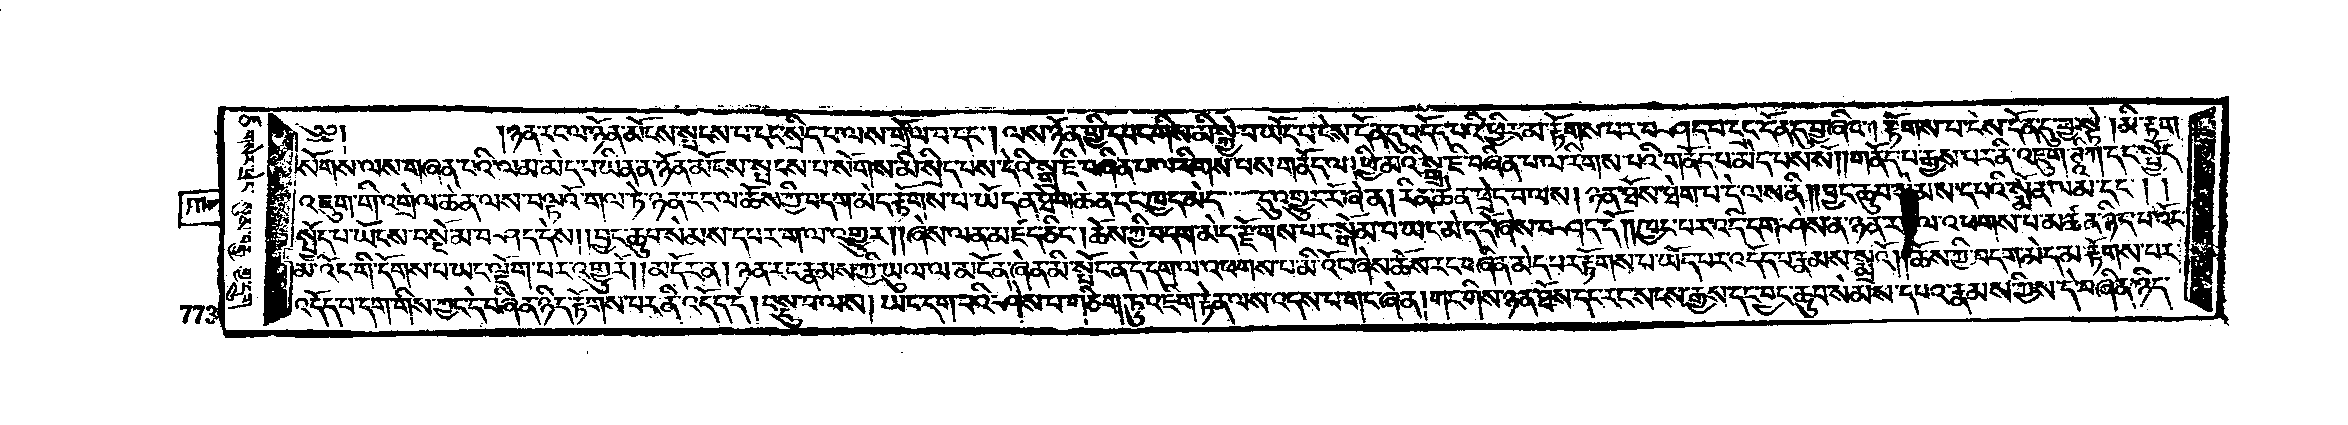༄༅། །ཉན་རང་ལ་ཉོན་མོངས་སྤངས་པ་དང་སྲིད་པ་ལས་གྲོལ་བ་དང་། ལས་ཉོན་གྱི་དབང་གིས་མི་སྐྱེ་བ་ཡོད་པ་ངེས་དོན་དུ་འདོད་པའི་ཕྱིར་མ་རྟོགས་པར་བཤད་པ་དྲང་དོན་དུ་བྱ་ཞིང་། རྟོགས་པ་ངེས་དོན་དུ་བྱ་སྟེ། མི་རྟག་
སོགས་ལས་གཞན་པའི་ལམ་མེད་པ་ཡིན་ན་ཉོན་མོངས་སྤངས་པ་སོགས་མི་སྲིད་པས་དེའི་སྒྲ་ཇི་བཞིན་པ་ལ་རིགས་པས་གནོད་ལ། ཕྱི་མའི་སྒྲ་ཇི་བཞིན་པ་ལ་རིགས་པའི་གནོད་པ་མེད་པས་སོ། །གནོད་པ་རྒྱས་པར་ནི་འཇུག་ཊཱིཀ་དང་སྤྱོད་
འཇུག་གི་འགྲེལ་ཆེན་ལས་བལྟའོ་གལ་ཏེ་ཉན་རང་ལ་ཆོས་ཀྱི་བདག་མེད་རྟོགས་པ་ཡོད་ན་ཐེག་ཆེན་དང་ཁྱད་མེད་དུ་འགྱུར་རོ་ཞེ་ན། རིན་ཆེན་ཕྲེང་བ་ལས། ཉན་ཐོས་ཐེག་པ་དེ་ལས་ནི། །བྱང་ཆུབ་སེམས་དཔའི་སྨོན་ལམ་དང་། །
སྤྱོད་པ་ཡོངས་བསྔོ་མ་བཤད་དེས། །བྱང་ཆུབ་སེམས་དཔར་ག་ལ་འགྱུར། །ཞེས་ལན་མཛད་ཅིང་། ཆོས་ཀྱི་བདག་མེད་རྫོགས་པར་སྒོམ་པ་ཡང་མེད་དོ་ཞེས་བཤད་དོ། །ཁྱད་པར་འདི་དག་ཤེས་ན་ཉན་རང་ལ་འཕགས་པ་མཚན་ཉིད་པ་འོང་
མི་འོང་གི་དོགས་པ་ཡང་ལྡོག་པར་འགྱུར་རོ། །མདོར་ན། ཉན་རང་རྣམས་ཀྱི་ཡུལ་ལ་མངོན་ཞེན་མི་སྤོང་ན་དེ་དག་ལ་འཕགས་པ་མི་འོང་ཞེས་ཆོས་རང་བཞིན་མེད་པར་རྟོགས་པ་ཡོད་པར་འདོད་པ་རྣམས་སྨྲའོ། །ཆོས་ཀྱི་བདག་མེད་མ་རྟོགས་པར་
འདོད་པ་དག་གིས་ཀྱང་དེ་བཞིན་ཉིད་རྟོགས་པར་ནི་འདོད་དེ། བསྡུ་བ་ལས། ཡང་དག་པའི་ཤེས་པ་གཅིག་ཏུ་འཇིག་རྟེན་ལས་འདས་པ་གང་ཞེ་ན། གང་གིས་ཉན་ཐོས་དང་རང་སངས་རྒྱས་དང་བྱང་ཆུབ་སེམས་དཔའ་རྣམས་ཀྱིས་དེ་བཞིན་ཉིད་